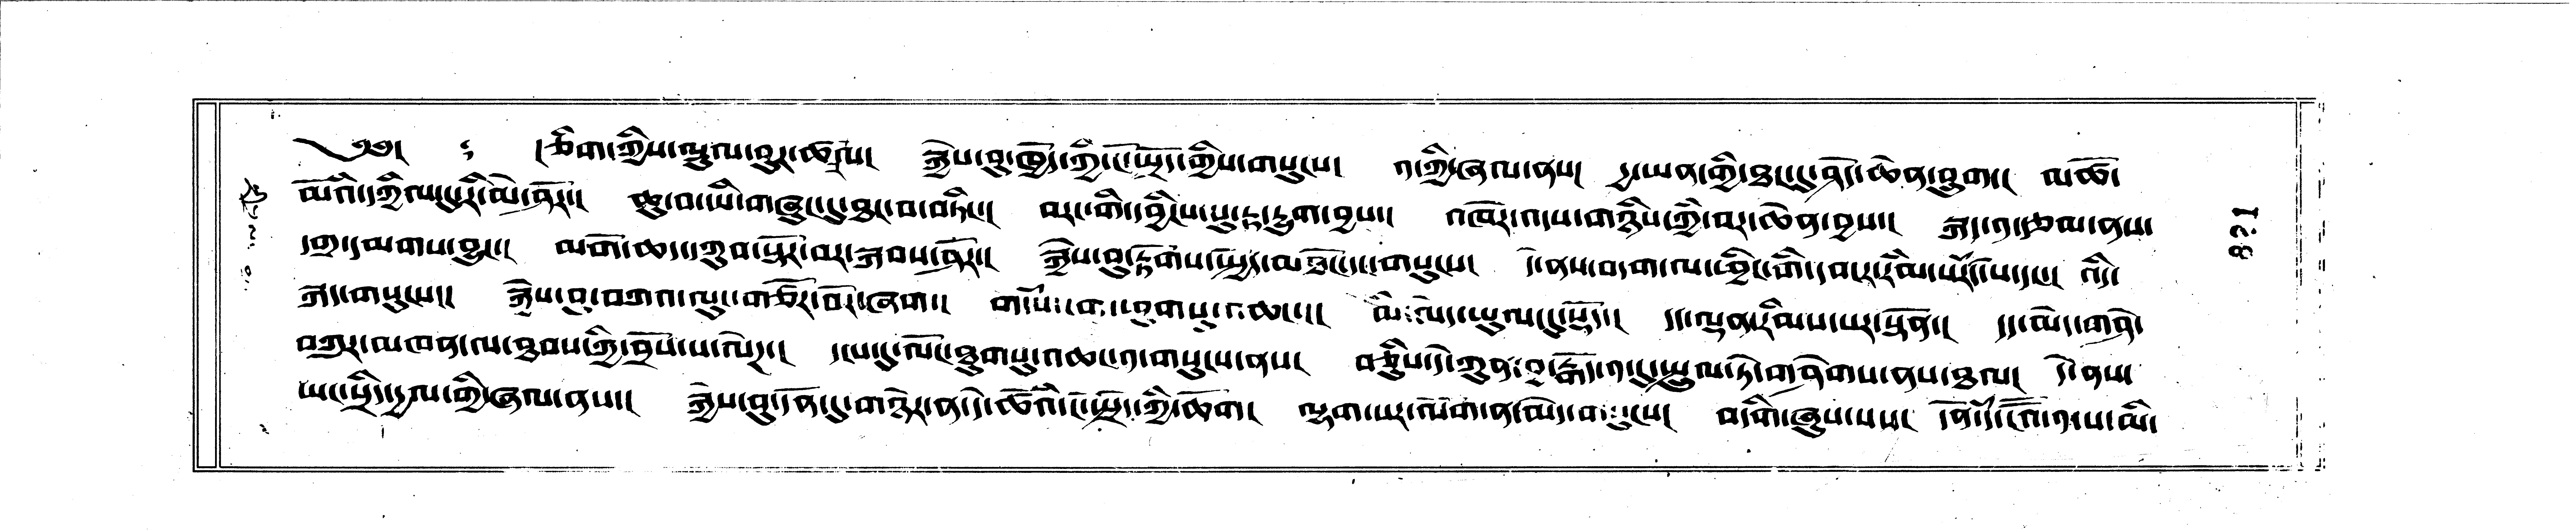ཞིག་གིས་ལྟུལ་ཤུགས་ཚར། སྐྱེས་བུ་ཁྱོད་ཀྱིས་ངོ་སྤྲོད་གྱིས་གསུངས། གཅིག་གི་ཞལ་ནས། རྒྱ་ཡན་གྱི་ཐང་དུ་ཤོད་ཆེན་བྲུག །མཚོ་
མོའི་དཀྱིལ་དུ་རི་མེ་ཤོར། །ཆུ་བོ་ཡི་གཞུང་དུ་ཐང་བ་བཏིང་། །བར་གི་དབྱིངས་སུ་རྟ་རྒྱུག་བྱས། །འཁོར་འདས་གཉིས་ཀྱི་བར་ཆེན་བྱས། སྐད་ཅིག་ཙམ་ནས་
དགྲ་དམག་བྱུང་། །མགོ་ཆད་རྐུབ་སྟོར་བར་སྐབས་ཤོར། །སྐྱེས་བུ་རྟོགས་སྤྱོད་མཐོང་དང་གསུངས། །དེ་ནས་བདག་ལ་ཕྱི་གི་དབང་རིམ་པ་པ་དང་། འདི་
སྐད་གསུངས། སྐྱེས་བུ་བཀའ་ལུང་གཙོར་བོར་བཞག གདམས་ངག་ཕུགས་སུ་འཆང་། མི་མེད་ཡུལ་དུ་སྡོད། དད་ལྡན་རིམ་པར་སྟོན། དད་མེད་གཤེ་
བཀུར་མཁན་ལ་ཐབས་ཀྱིས་བྲོས་པ་ལེགས། དང་དུ་ལོངས།ཐུགས་འཆང་ཅིག་གསུངས་ནས། བཅུ་གཉིས་དེ་ཀུན་བྱ་རྒོད་ཅིག་སྤྲུལ་ཏེ་གཤེགས་ནས་ཐལ། དེ་ནས་
ཡང་སྲིད་རྒྱལ་གྱི་ཞལ་ནས། སྐྱེས་བུ་དོན་དུ་གཉེར་ན་དེ་ཚོའི་ངོ་སྤྲོད་ཀྱིས་ཆོག ལྷག་པར་ལོགས་ན་མེད་གསུངས། བདག་གིས་ཞུས་པས། དོན་དམ་ངོའོ་གཅིག་པ་མི་